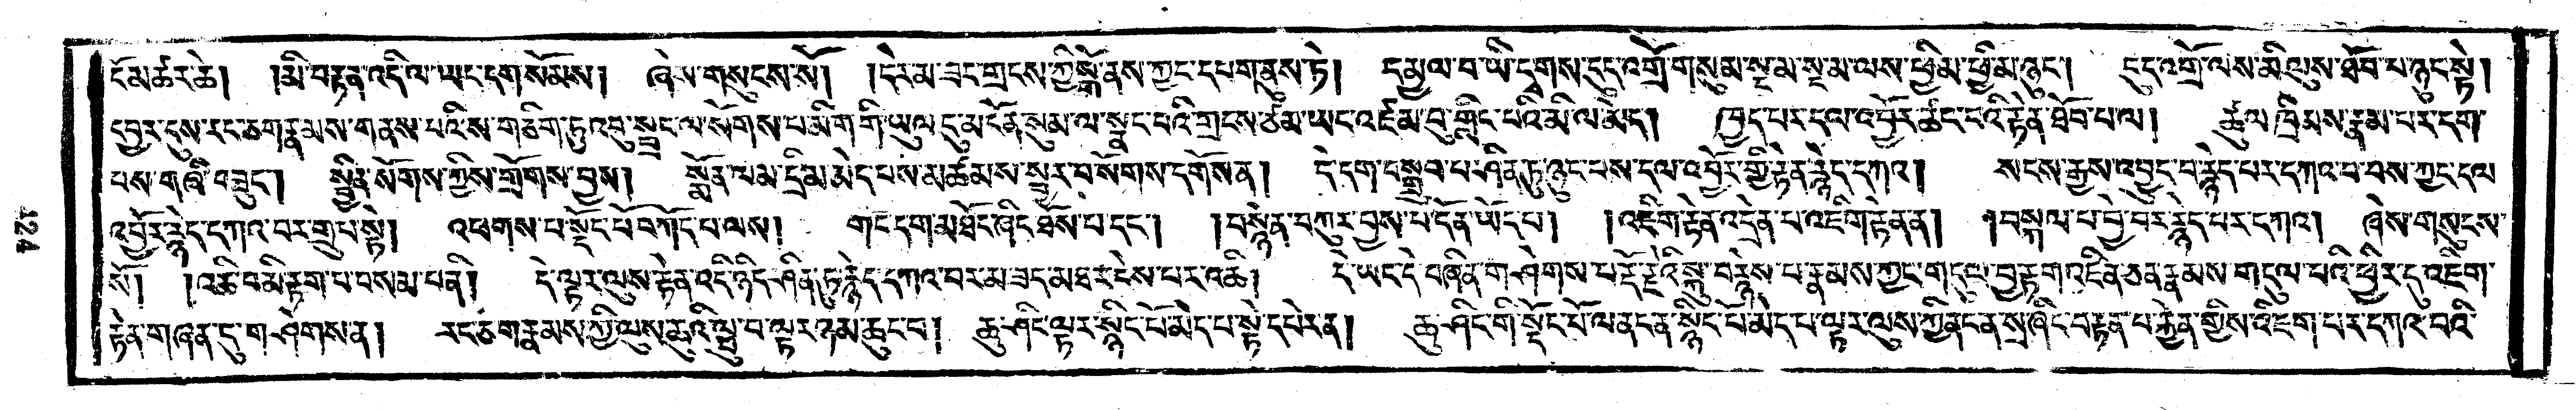ངོ་མཚར་ཆེ། །མི་བརྟན་འདི་ལ་ཡང་དག་སོམས། ཞེས་གསུངས་སོ། །དེར་མ་ཟད་གྲངས་ཀྱི་སྒོ་ནས་ཀྱང་དཔག་ནུས་ཏེ། དམྱལ་བ་ཡི་དྭགས་དུད་འགྲོ་གསུམ་སྔ་མ་སྔ་མ་ལས་ཕྱིམ་ཕྱི་མ་ཉུང་། དུད་འགྲོ་ལས་མི་ལུས་ཐོབ་པ་ཉུང་སྟེ།
དབྱར་དུས་རང་ཅག་རྣམས་གནས་པའི་ས་གཅིག་ཏུ་འབུ་སྦྲང་ལ་སོགས་པ་མིག་གི་ཡུལ་དུ་མངོན་སུམ་ལ་སྣང་བའི་གྲངས་ཙམ་ཡང་འཛམ་བུ་གླིང་པའི་མི་ལ་མེད། ཁྱད་པར་དལ་འབྱོར་ཚང་བའི་རྟེན་ཐོབ་པ་ལ། ཚུལ་ཁྲིམས་རྣམ་པར་དག་
པས་གཞི་བཟུང་། སྦྱིན་སོགས་ཀྱིས་གྲོགས་བྱས། སྨོན་ལམ་དྲི་མ་མེད་པས་མཚམས་སྦྱར་བ་སོགས་དགོས་ན། དེ་དག་བསྒྲུབ་པ་ཤིན་ཏུ་ཉུང་བས་དལ་འབྱོར་གྱི་རྟེན་རྙེད་དཀའ། སངས་རྒྱས་འབྱུང་བ་རྙེད་པར་དཀའ་བ་བས་ཀྱང་དལ་
འབྱོར་རྙེད་དཀའ་བར་གྲུབ་པ་སྟེ། འཕགས་པ་སྡོང་པོ་བཀོད་པ་ལས། གང་དག་མཐོང་ཞིང་ཐོས་པ་དང་། །བསྙེན་བཀུར་བྱས་པ་དོན་ཡོད་པ། །འཇིག་རྟེན་འདྲེན་པ་འཇིག་རྟེན་ན། །བསྐལ་པ་བྱེ་བར་རྙེད་པར་དཀའ། ཞེས་གསུངས་
སོ། །འཆི་བ་མི་རྟག་པ་བསམ་པ་ནི། དེ་ལྟར་ལུས་རྟེན་འདི་ཉིད་ཤིན་ཏུ་རྙེད་ཤིན་ཏུ་རྙེད་དཀའ་བར་མ་ཟད་མཐར་ངེས་པར་འཆི། དེ་ཡང་དེ་བཞིན་གཤེགས་པ་རྡོ་རྗེའི་སྐུ་བརྙེས་པ་རྣམས་ཀྱང་གདུལ་བྱ་རྟག་འཛིན་ཅན་རྣམས་གདུལ་བའི་ཕྱིར་དུ་འཇིག་
རྟེན་གཞན་དུ་གཤེགས་ན། རང་ཅག་རྣམས་ཀྱི་ལུས་ཆུའི་ལྦུ་བ་ལྟར་ཉམ་ཆུང་བ། ཆུ་ཤིང་ལྟར་སྙིང་པོ་མེད་པ་སྟེ་དཔེར་ན། ཆུ་ཤིང་གི་སྡོང་པོ་ལ་ནང་ན་སྙིང་པོ་མེད་པ་ལྟར་ལུས་ཀྱི་ནང་ན་སྲ་ཞིང་བརྟན་པ་རྐྱེན་གྱིས་འཇིག་པར་དཀའ་བའི་